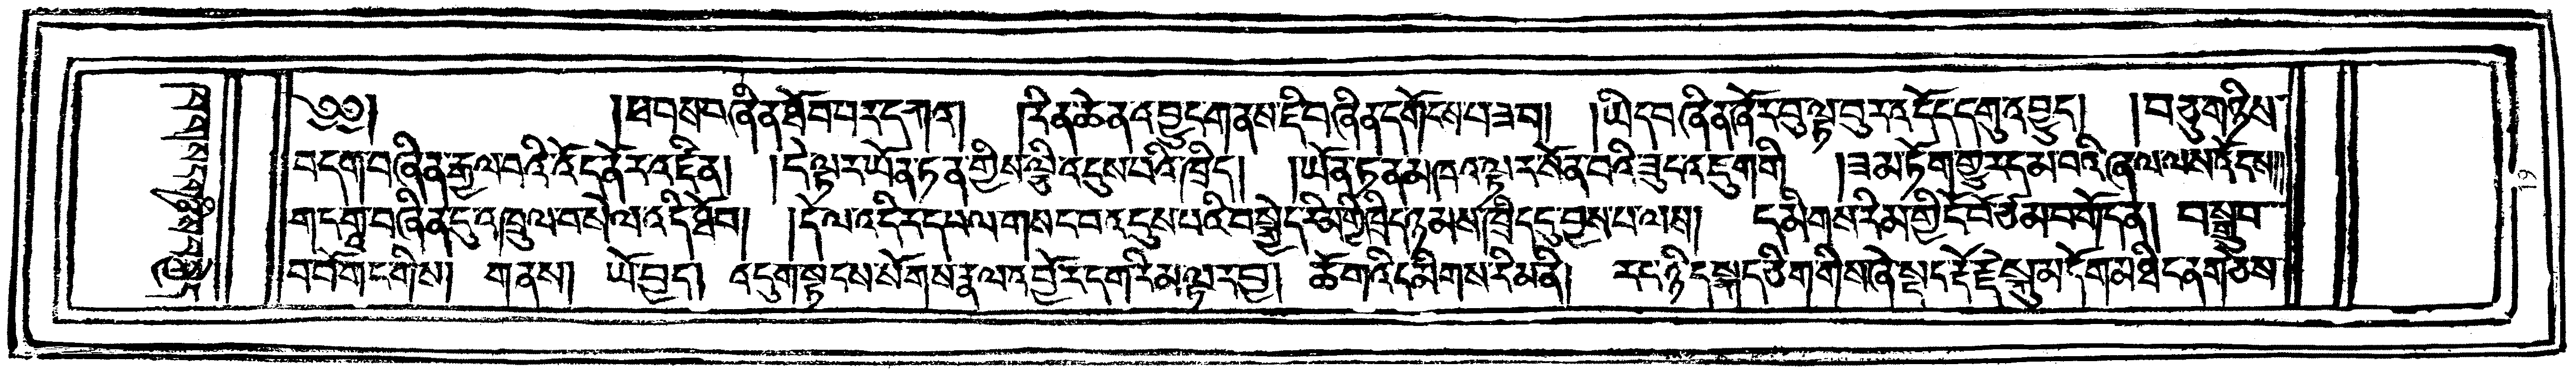༄༅། །ཐབས་བཞིན་ཐོབ་པར་དཀའ། །རིན་ཆེན་འབྱུང་གནས་ཇི་བཞིན་དགོངས་བཟབ། །ཡིད་བཞིན་ཞོར་བུ་ལྟ་བུར་འདོད་དགུ་འབྱུང་། །བཅུ་གཉིས་
བདག་བཞིན་རྒྱལ་བའི་འོད་ནོར་འཛིན། །དེ་ལྟར་ཡོན་ཏན་གྱིས་ལྕི་འདུས་པའི་ཁྲིད། །ཡོན་ཏན་མཁའ་ལྟར་སོན་བའི་ཟུང་འཇུག་གི །ཟམ་ཏོག་གྱུར་དམ་པའི་ཞལ་ལས་འོངས།།
གང་གཱ་བཞིན་དུ་འཁྲུལ་བསེལ་འདི་ཐོབ། །དེ་ལ་འདིར་དཔལ་གསང་བ་འདུས་པའི་བསྐྱེད་རིམ་གྱི་ཁྲིད་ཉམས་ཁྲིད་དུ་བྱས་པ་ལས། དམིགས་རིམ་གྱི་ངོ་བོ་ཙམ་བགོད་ན། བསྒྲུབ་
བ་པོ་གང་གིས། གནས། ཡོ་བྱད། འདུག་སྟངས་སོགས་རྣལ་འབྱོར་དག་རིམ་ལྟར་བྱ། ཆོ་གའི་དམིགས་རིམ་ནི། རང་ཉིད་སྐད་ཅིག་གིས་ཞེ་སྡང་རྡོ་རྗེ་སྐུ་མདོག་མཐིང་ན་གཅེས་